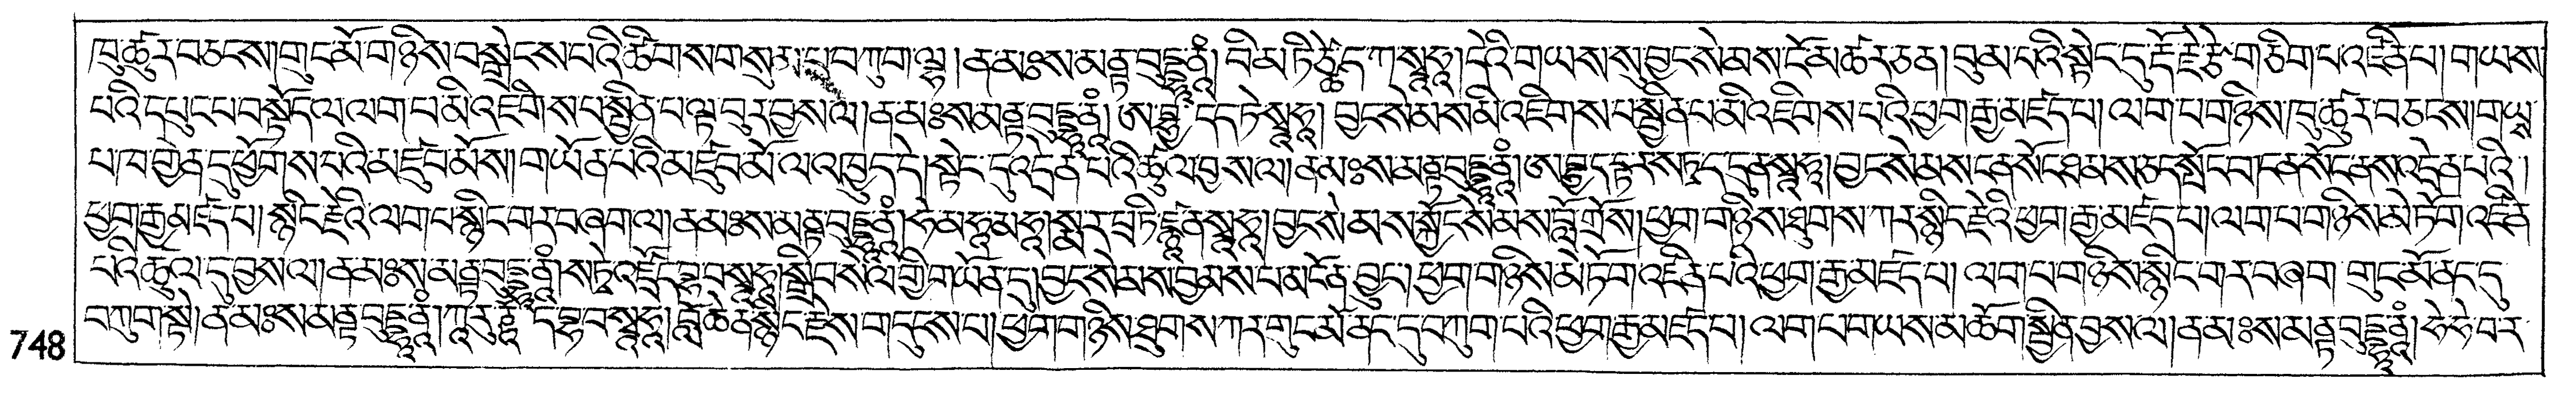ཁུ་ཚུར་བཅངས། གུང་མོ་གཉིས་བསྒྲེངས་པའི་ཚིགས་གསུམ་པ་བཀུག་ལྷ། ན་མཿ ས་མནྟ་བུདྡྷཱ་ནཱཾ། བི་མ་ཏི་ཙྪེ་ད་ཀ་སྭཱཧཱ། དེའི་གཡས་སུ་བྱང་སེམས་ངོ་མཚར་ཅན། བུམ་པའི་སྟེང་དུ་རྡོ་རྗེ་རྩེ་གཅིག་པ་འཛིན་པ། གཡས་
པའི་དཔུང་པ་བསྟོད་ལ་ལག་པ་མི་འཇིགས་པ་སྤྱིན་པ་ལྟ་བུར་བྱས་ལ། ན་མཿ ས་མནྟ་བུདྡྷཱ་ནཱཾ། ཨ་བྷྱ་དད་ཏེ་སྭཱཧཱ། བྱང་སེམས་མི་འཇིགས་པ་སྦྱིན་པ་མི་འཇིགས་པའི་ཕྱག་རྒྱ་མཛད་པ། ལག་པ་གཉིས་ཁུ་ཚུར་བཅངས། གཡས་
པ་ཁ་གྱེན་དུ་ཕྱོགས་པའི་མཛུབ་མོས། གཡོན་པའི་མཛུབ་མོ་ལ་འཁྱུད་དེ། སྟེང་དུ་འདྲེན་པའི་ཚུལ་བྱས་ལ། ན་མཿ ས་མནྟ་བུདྡྷཱ་ནཱཾ། ཨ་བྷྱ་ད་དྟ་ར་སཏྭ་ད་དུ་ན་སྭཱཧཱ། བྱང་སེམས་ངན་སོང་ཐམས་ཅད་སྤོང་བ། ངན་སོང་ནས་འདྲེན་པའི།
ཕྱག་རྒྱ་མཛད་པ། སྙིང་རྗེའི་ལག་པ་སྙིང་གར་བཞག་ལ། ན་མཿ ས་མནྟ་བུདྡྷཱ་ནཱཾ། ཧེ་མ་ཧཱ་མ་ཧཱ། སྨ་ར་པྲ་ཏི་ཛྙཱ་ན་སྭཱཧཱ། བྱང་སེམས་སྐྱོང་སེམས་བློ་གྲོས། ཕྱག་གཉིས་ཐུགས་ཀར་སྙིང་རྗེའི་ཕྱག་རྒྱ་མཛད་པ། ལག་པ་གཉིས་མེ་ཏོག་འཛིན་
པའི་ཚུལ་དུ་བྱས་ལ། ན་མཿ ས་མནྟ་བུདྡྷཱ་ནཱཾ། སཏྭེ་འཛྲོད་བྷ་བ་སྭཱཧཱ། སྒྲིབ་སེལ་གྱི་གཡོན་དུ། བྱང་སེམས་བྱམས་པ་མངོན་བྱུང་། ཕྱག་གཉིས་མེ་ཏོག་འཛིན་པའི་ཕྱག་རྒྱ་མཛད་པ། ལག་པ་གཉིས་སྙིང་གར་བཞག་གུང་མོ་ནང་དུ་
བཀུག་སྟེ། ན་མཿ ས་མནྟ་བུདྡྷཱ་ནཱཾ། ཀཱ་རུ་ཎO་ད་བྷ་བ་སྭཱཧཱ། བློ་ཆེན་སྙིང་རྗེས་གདུངས་པ། ཕྱག་གཉིས་ཐུགས་ཀར་གུང་མོ་ནང་དུ་བཀུག་པའི་ཕྱག་རྒྱ་མཛད་པ། ལག་པ་གཡས་མཆོག་སྦྱིན་བྱས་ལ། ན་མཿ ས་མནྟ་བུདྡྷཱ་ནཱཾ། ཧེ་ཧེ་བ་ར་